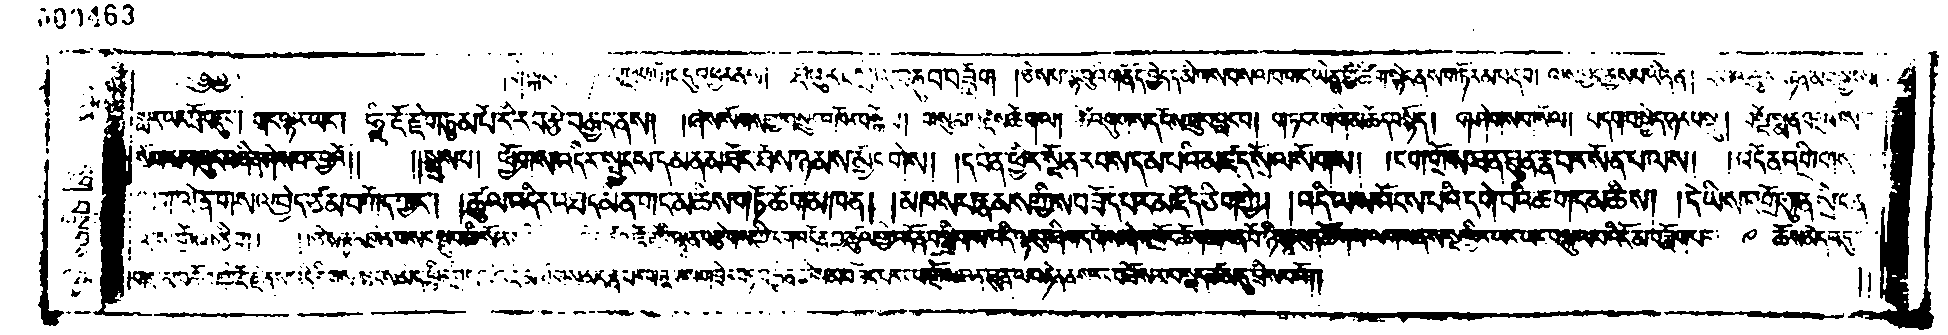༄༅། །གི་སྐབས་གཏོར་མ་ཕྲག་གོང་དུ་འཕྱར་ནས། ཐེའུ་རང་སྲི་ལ་བརྐུ་བ་བཟློག །ཅེས་པ་ལྟ་བུའི་གནོད་བྱེད་དམིགས་བསལ་བ་གང་ཡིན་གྱི་ཚིག་སྟེང་ནས་གཏོར་མ་བརྡབ། ལས་བྱང་རྒྱས་པ་ཡིན་ན། བཤལ་ཆུས་བརྟན་མ་བསྐྱངས།
སླར་ཡང་བྲོ་བརྡུང་། གང་ལྟར་ཡང་། ཧཱུཾ་རྡོ་རྗེ་གཏུམ་པོ་རི་རབ་རྩེ་བརྒྱད་ནས། །ཞེས་སོགས་ཀྱི་བསྲུང་འཁོར་བསྒོམ། གསུམ་པ་རྗེས་ཆོ་ག་ལ། ཚེ་འགུགས་དངོས་གྲུབ་བླང་བ། གཏང་རག་གི་མཆོད་བསྟོད། གཤེགས་གསོལ། བདག་བསྐྱེད་ཉེར་བསྡུ། བསྔོ་སྨོན་བཀྲ་ཤིས་
སོགས་གཞུང་བཞིན་ཤེས་པར་བྱའོ།། །།སྨྲས་པ། ཕྱོགས་འདིར་སྤྱངས་དམན་མཐོང་ཐོས་ཉམས་མྱོང་གིས། །དབེན་ཕྱིར་སྔོན་རབས་དམ་པའི་མཛད་སྲོལ་སོགས། །ངག་གྲོས་ཐན་ཐུན་རྣ་བར་སོན་པ་ལས། །འདོན་འགྲིགས་
ལག་ལེན་གསལ་བྱེད་ཙམ་བཀོད་ཀྱང་། །ཚུལ་འདིར་འཐད་མིན་གང་མཆིས་གཏོ་ཆོག་མཁན། །མཁས་པ་རྣམས་ཀྱིས་བཟོད་པར་མཛོད་ཅིག་ཀྱེ། །འདི་ལས་འོངས་པའི་དགེ་བའི་ཆ་གང་མཆིས། །དེ་ཡིས་འགྲོ་ཀུན་སྲི་ངན་
ལས་གྲོལ་ཅིག ། །།ཅེས་རྟ་མགྲིན་གསང་སྒྲུབ་ཀྱི་སྒོ་ནས་སྲི་མནན་བྱེད་ཚུལ་རྡོ་རྗེའི་ལྷུན་བརྩེགས་ཀྱི་ངག་འདོན་བྱ་ཚུལ་གྱི་འདོན་བསྒྲིགས་འདི་ལྟ་བུ་ཞིག་དགོས་ཞེས་གྲོང་ཆོག་མཁན་པོ་ཉི་ཀྱཱ་ཕུན་ཚོགས་ལགས་ནས་སྔ་ཕྱིར་ཡང་ཡང་བསྐུལ་བའི་ངོ་མ་བཟློག་པར། ༧ཆོས་མེད་འདུ་
གསུམ་པ་ཆོས་ཀྱི་རྡོ་རྗེ་ནས་འདི་རིགས་སྦྱངས་མེད་ཕྱིར་བྲིས་པའི་རྔོ་མི་ཐོགས་མོད་རྣ་བར་གཟུགས་གཟེར་བཏབ་རྐྱེན་གྱིས་མ་བཟོད་པར་ངག་གྲོས་ཐན་ཐུན་ལ་བརྟེན་ནས་རང་བཟོས་མ་བསླད་ཙམ་དུ་བྲིས་པའོ།། །།